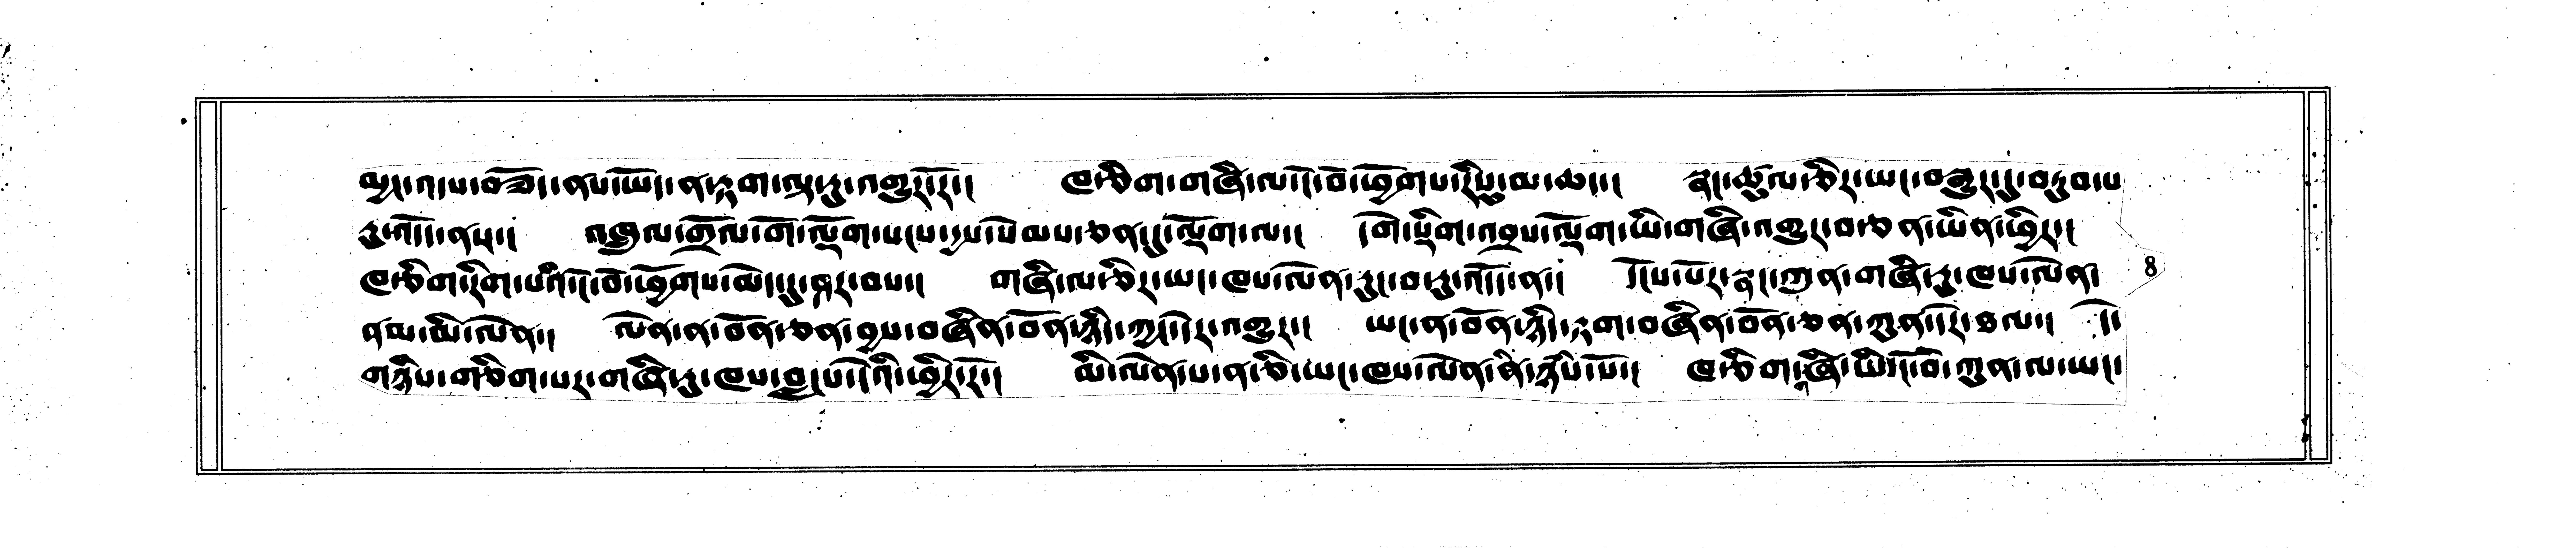མྱང་འདས་བཟོད་ནས་ཡོད་ན་རྟག་ལྟ་རུ་འགྱུར་རོ། །ཁ་ཅིག་གཞི་ལ་ངོ་བོ་ཕྱོགས་རིས་སུ་མ་ཆད། །སྣང་ཚུལ་ཅིར་ཡང་བསྒྱུར་དུ་བཏུབ་པ་
རུ་འདོད་ནས། །འཁྲུལ་གྲོལ་གོ་ལྡོག་སངས་རྒྱས་སེམས་ཅན་དུ་ལྡོག་ལ། །དགེ་སྡིག་འབྲས་ལྡོག་ཡིེ་གཞི་འགྱུར་བ་ཅན་ཡིན་ཕྱིར། །
ཁ་ཅིག་རིག་པའི་ངོ་བོ་ཕྱོགས་མེད་དུ་ཤར་བས། །གཞི་ལ་ཅིར་ཡང་ཁས་ལེན་རུང་བ་རུ་འདོད་ན། །དངོས་པོར་སྣང་ཀུན་གཞི་རུ་ཁས་ལེན་
ནམ་མི་ལེན། །ལེན་ན་བོན་ཅན་བྱས་བཞིན་བོན་ཉིད་ཀྱང་དེར་འགྱུར། །ཡང་ན་བོན་ཉིད་རྟག་བཞིན་བོན་ཅན་ཀུན་དེར་ཐལ། །དེ་
གཉིས་གཅིག་པར་གཞི་རུ་ཁས་བླང་དེའི་ཕྱིར་རོ། །མི་ལེན་པ་ན་ཅི་ཡང་ཁས་ལེན་ནི་ཉམས་སོ། །ཁ་ཅིག་གཞི་ཡི་ངོ་བོ་ཀུན་ལ་ཡང་